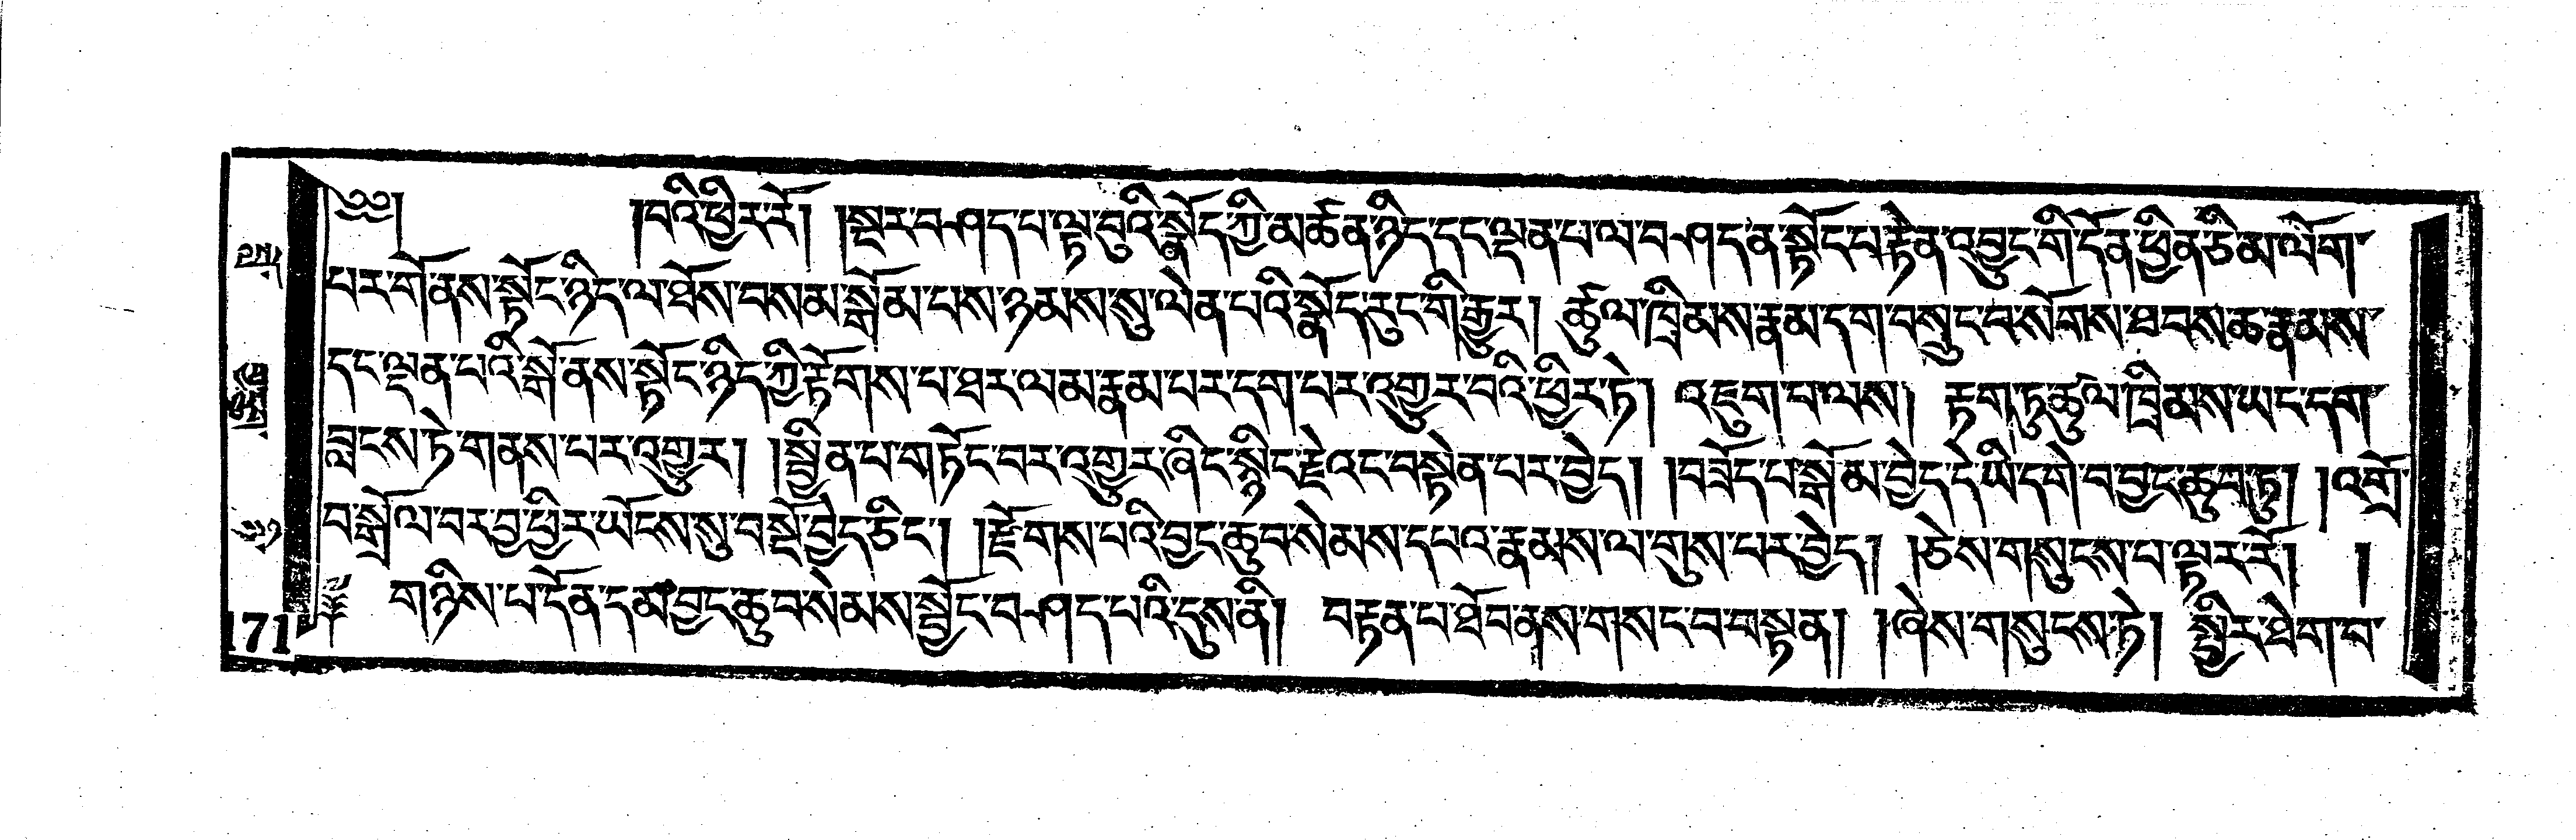༄༅། །བའི་ཕྱིར་རོ། །སྔར་བཤད་པ་ལྟ་བུའི་སྣོད་ཀྱི་མཚན་ཉིད་དང་ལྡན་པ་ལ་བཤད་ན་སྟོང་པ་རྟེན་འབྱུང་གི་དོན་ཕྱིན་ཅི་མ་ལོག་
པར་གོ་ནས་སྟོང་ཉིད་ལ་ཐོས་བསམ་སྒོམ་པས་ཉམས་སུ་ལེན་པའི་སྣོད་རུང་གི་རྒྱུར། ཚུལ་ཁྲིམས་རྣམ་དག་བསྲུང་བ་སོགས་ཐབས་ཆ་རྣམས་
དང་ལྡན་པའི་སྒོ་ནས་སྟོང་ཉིད་ཀྱི་རྟོགས་པ་ཐར་ལམ་རྣམ་པར་དག་པར་འགྱུར་བའི་ཕྱིར་ཏེ། འཇུག་པ་ལས། རྟག་ཏུ་ཚུལ་ཁྲིམས་ཡང་དག་
བླངས་ཏེ་གནས་པར་འགྱུར། །སྦྱིན་པ་གཏོང་བར་འགྱུར་ཞིང་སྙིང་རྗེའང་བསྟེན་པར་བྱེད། །བཟོད་པ་སྒོམ་བྱེད་དེ་ཡི་དགེ་བ་བྱང་ཆུབ་ཏུ། །འགྲོ་
བ་སྒྲོལ་བར་བྱ་ཕྱིར་ཡོངས་སུ་བསྔོ་བྱེད་ཅིང་། །རྫོགས་པའི་བྱང་ཆུབ་སེམས་དཔའ་རྣམས་ལ་གུས་པར་བྱེད། །ཅེས་གསུངས་པ་ལྟར་རོ། །
༈ གཉིས་པ་དོན་དམ་བྱང་ཆུབ་སེམས་སྦྱོང་བཤད་པའི་དུས་ནི། བརྟན་པ་ཐོབ་ནས་གསང་བ་བསྟན། །ཞེས་གསུངས་ཏེ། སྤྱིར་ཐེག་པ་